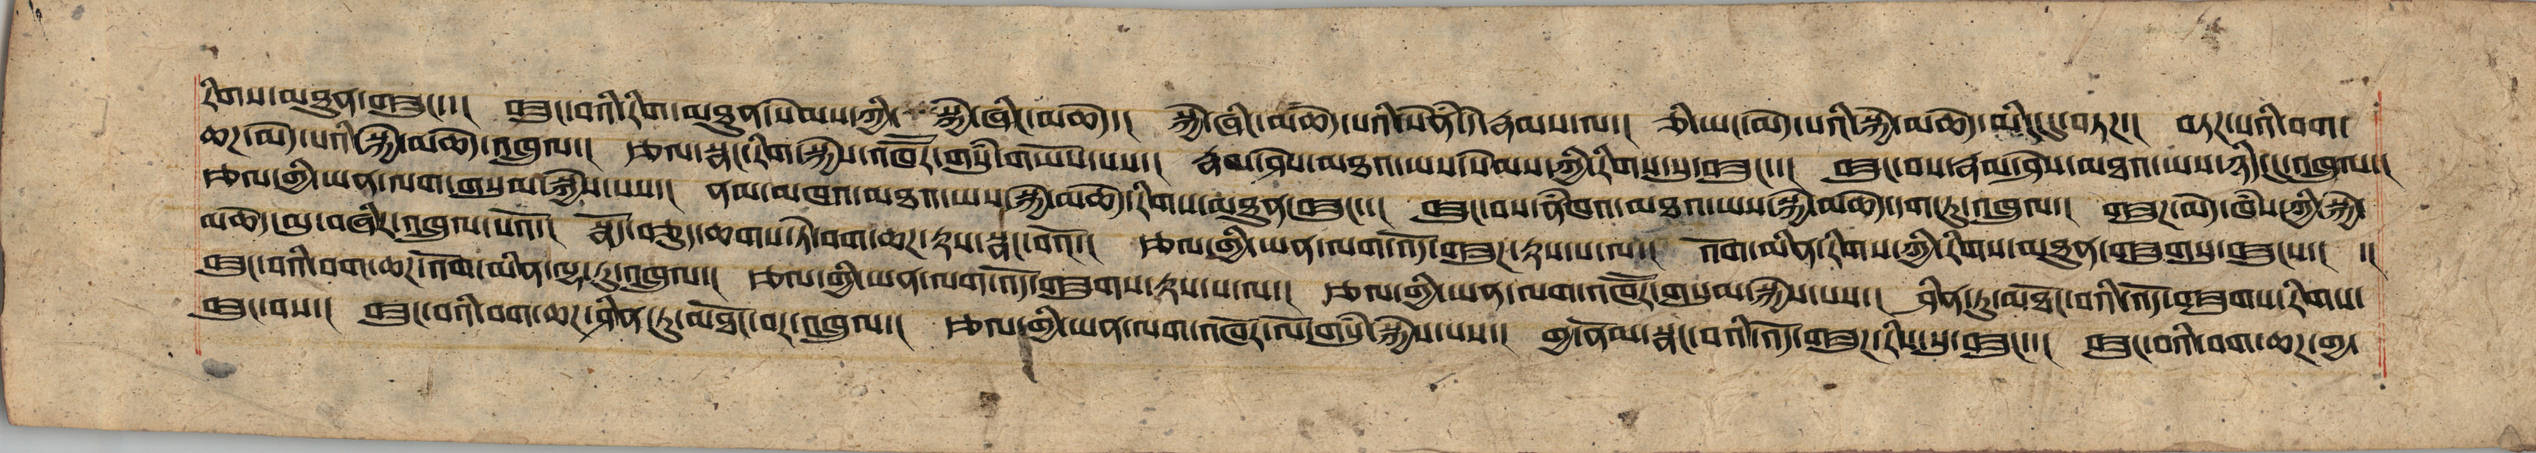རིགས་མཐུན་གཟུང་་། བཟུང་བའི་རིག་མཐུན་སེམས་ཀྱི་ སྐྱེ་ཞིང་མཆེད་། སྐྱེ་ཞིང་མཆེད་པའི་སེཾན་དེ་རྣམས་ལ་། ཅི་ཡང་མེད་པའི་སྐྱེ་མཆེད་མིང་དུ་བཏཌ་། བཏཌ་པའི་བག་
ཆཌ་མེད་པའི་སྐྱེ་མཆེད་འཁྲུལ་། རྩལ་སྣང་རིག་སྐྱེས་འཁཽར་གསུཾ་གཡོས་པས་། རྣམ་ཤེས་མཐའ་ཡས་སེམས་ཀྱི་རིགས་སུ་བཟུང་་། བཟུང་བས་རྣམ་ཤེས་མཐའ་ཡས་ཉིད་དུ་འཁྲུལ་།
རྩལ་གྱི་ཡན་ལག་གསུམ་སྐྱེས་པས་། ནམ་མཁའ་མཐའ་ཡས་སྐྱེ་མཆེད་རིགས་མཐུན་བཟུང་་། བཟུང་བས་ནཾཁའ་མཐའ་ཡས་སྐྱེ་མཆེད་དག་ཏུ་འཁྲུལ་། གཟུཌ་མེད་ཁཾས་ཀྱི་སྐྱེ་
མཆེད་མུ་བཞིར་འཁྲུལ་པའོ་། སྣོད་བཅུད་ཆགས་ཏེ་བག་ཆཌ་རྟས་སྣང་བའོ་། རྩལ་གྱི་ཡན་ལག་འོད་གཟུཌ་རྟས་པ་ལ་། འོག་མིན་རིགས་ཀྱི་རིགས་མཐུན་གཟུགསུ་བཟུངས་། ་།
བཟུང་བའི་བག་ཆཌ་འོག་མིན་ལྷ་རུ་འཁྲུལ་། རྩལ་གྱི་ཡན་ལག་འོད་གཟུགས་རྟས་པ་ལ་། རྩལ་གྱི་ཡན་ལག་འཁཽར་གསུམ་སྐྱེས་པས་། ཤིན་ཏུ་མཐོང་བའི་འོད་གཟུགས་རིགས་
བཟུང་བས་། བཟུང་བའི་བག་ཆཌ་ཤིན་ཏུ་མཐོང་བར་འཁྲུལ་། རྩལ་གྱི་ཡན་ལག་འཁོར་ལོ་གསུཾ་སྐྱེས་པས་། གྱ་ནོམ་སྣང་བའི་འོད་གཟུཌ་རིས་སུ་བཟུང་་། བཟུང་བའི་བག་ཆཌ་གྱ་